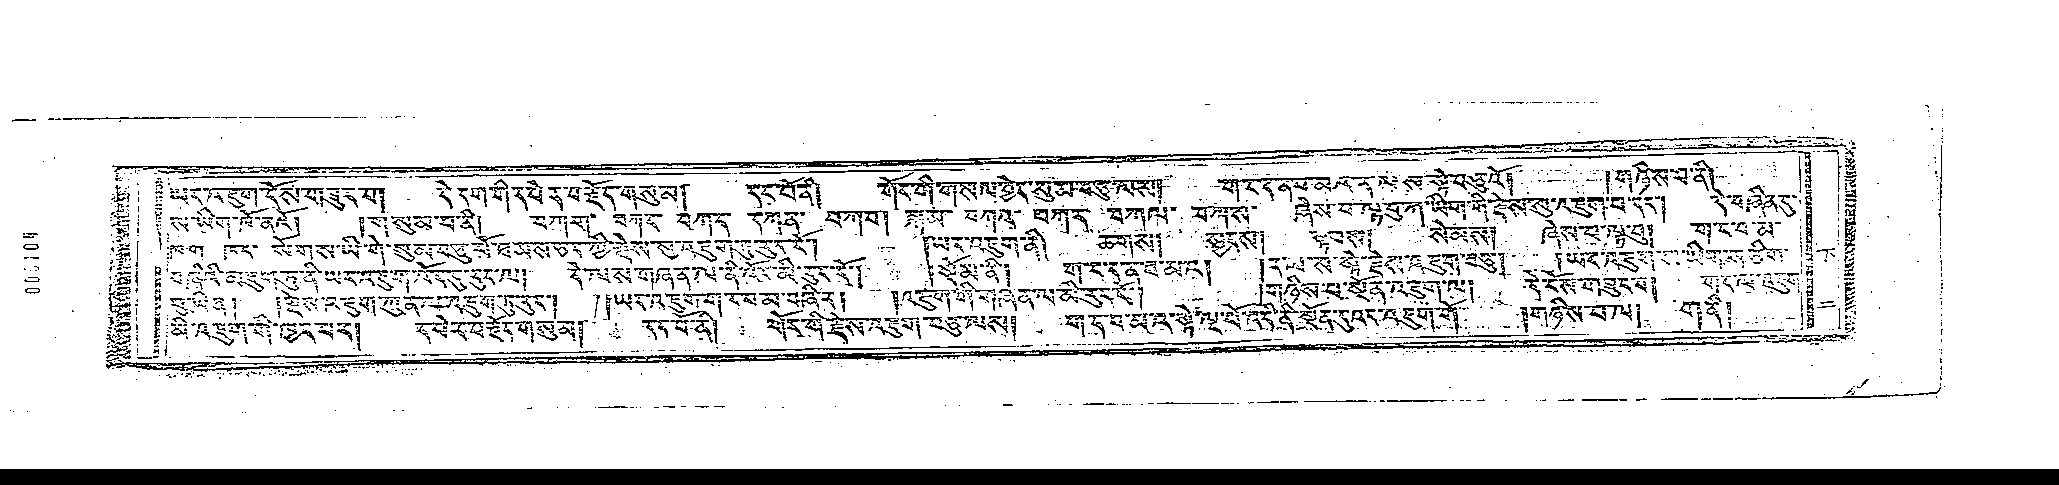ཡང་འཇུག་ངོས་གཟུང་བ། དེ་དག་གི་དཔེར་བརྗོད་གསུམ། དང་པོ་ནི། གོང་གི་གསལ་བྱེད་སུམ་བཅུ་ལས། ག་ང་ད་ན་བ་མ་འ་ར་ལ་ས་སྟེ་བཅུའོ། །གཉིས་པ་ནི།
ས་ཡིག་ཁོ་ནའོ། །གསུམ་པ་ནི། བཀག་བཀང་བཀད་དཀན་བཀབ། སྐམ་བཀའ་བསྐར་བཀལ་བཀས། ཞེས་པ་ལྟ་བུ་ཀ་ཡིག་གི་རྗེས་སུ་འཇུག་པ་དང་། དེ་བཞིན་དུ་
ཁག་ཁང་སོགས་ཡི་གེ་སུམ་བཅུ་པོ་ཐམས་ཅད་ཀྱི་རྗེས་སུ་འཇུག་ཏུ་རུང་ངོ། །ཡང་འཇུག་ནི། ཆགས། སྦྱངས། སྟབས། སེམས། ཞེས་པ་ལྟ་བུ། ག་ད་བ་མ་
བཞིའི་མཇུག་ཏུ་ནི་ཡང་འཇུག་འོད་དུ་རུང་ལ། དེ་ལས་གཞན་ལ་ནི་འོད་མི་རུང་ངོ། །སྡོམ་ནི། ག་ང་ད་ན་བ་མ་འ། །ར་ལ་ས་སྟེ་རྗེས་འཇུག་བཅུ། །ཡང་འཇུག་ས་ཡིག་གཅིག་
བུ་ཡིན། །རྗེས་འཇུག་ཀུན་ལ་འཇུག་ཏུ་རུང་། །ཡང་འཇུག་ག་ང་བ་མ་བཞིར། །འཇུག་གི་གཞན་ལ་མི་རུང་ངོ། །གཉིས་པ་སྔོན་འཇུག་ལ། དེ་ངོས་གཟུང་བ། གང་ལ་འཇུག་
མི་འཇུག་གི་ཁྱད་པར། དཔེར་བརྗོད་གསུམ། དང་པོ་ནི། གོང་གི་རྗེས་འཇུག་བཅུ་ལས། ག་ད་བ་མ་འ་སྟེ་ལྔ་པོ་འདི་ནི་སྔོན་དུའང་འཇུག་གོ །གཉིས་པ་ལ། ག་ནི།